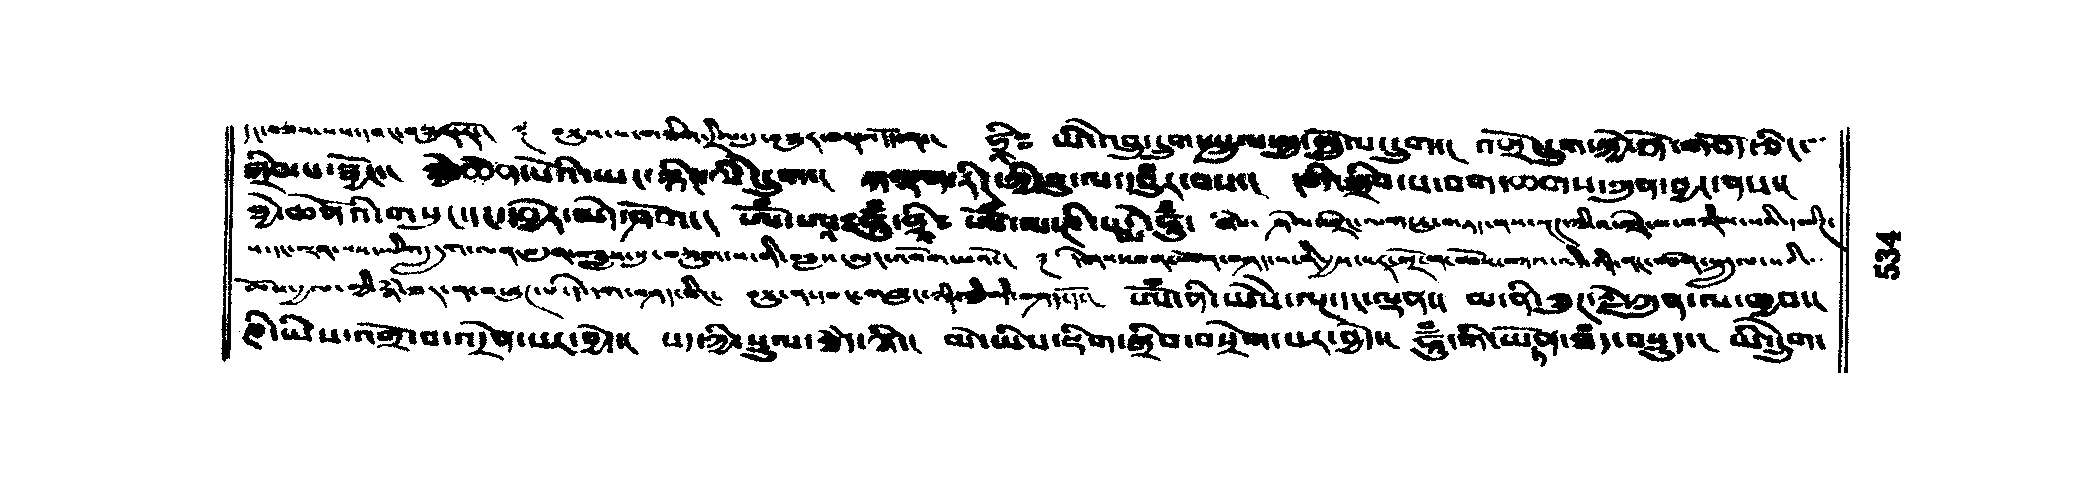དང་བཅས་པས་དབང་བསྐུར་རོ། ༈ བསྡུས་པ་གཅིག་དྲིལ་དུ་བསྐུར་བར་འདོད་ན། ཧྲཱིཿ ཡི་གེ་འབྲུ་དྲུག་སྤྲུལ་སྐུ་ཆོ་འཕྲུལ་དྲུག །འགྲོ་དྲུག་སྐྱེ་སྒོ་གཅོད་ཅིང་
སྒྲིབ་པ་སྦྱོང་། །ཐུགས་རྗེ་ཆེན་པོའི་ཡང་སྙིང་ཡི་གེ་དྲུག སྐལ་ལྡན་རིགས་ཀྱི་བུ་ལ་དབང་བསྐུར་བས། །ངག་གི་སྒྲིབ་པ་བག་ཆགས་ཀུན་བྱང་ནས། །
ཐུགས་རྗེ་ཆེན་པོའི་གསུང་དང་དབྱེར་མེད་ཤོག །ཨོཾ་ཨཱཿཧཱུྃ་ཧྲཱིཿ ཨོཾ་མ་ཎི་པདྨེ་ཧཱུྃ། ཞེས་ཤེལ་འཕྲེང་ལག་ཏུ་གཏད་ནས་སྔགས་ཀྱི་འཕྲེང་བ་བསྟིམ་པའི་དམིགས་
པ་དང་ལྡན་པས་ཡིག་དྲུག་ལན་བདུན་བཟླས་སུ་བཅུག་པ་ནི་བཟླ་ལུང་འབོག་པའོ། དེ་ནས་ཕན་ཡོན་བཤད་པ་ནི་རྒྱས་པར་སྤྲོ་ན་ཆོས་བཀའ་དེ་ཉིད་ནང་ཚན་སྤྲུལ་བའི་
ཆོས་རྒྱལ་གྱི་རྣམ་ཐར་ན་བཞུགས་པ་དེ་དག་བཤད་ཅིང་། བསྡུ་ན་དབང་གཞུང་ཉིད་ཀྱི་འདི་བཤད་དོ། ཨོཾ་ནི་ཡེ་ཤེས་ལྔ་དང་ལྡན། །མ་ནི་ཐུགས་རྗེ་ཀུན་ལ་ཁྱབ། །
ཎི་ཡིས་འགྲོ་བ་འདྲེན་པར་བྱེད། །པད་ཀྱིས་སྡུག་བསྔལ་ཐམས་ཅད་ཞི། །མེ་ཡིས་སྡིག་སྒྲིབ་བསྲེག་པར་བྱེད། །ཧཱུྃ་གིས་ཡོན་ཏན་ཐམས་ཅད་བསྡུད། ཡི་གེ་དྲུག་